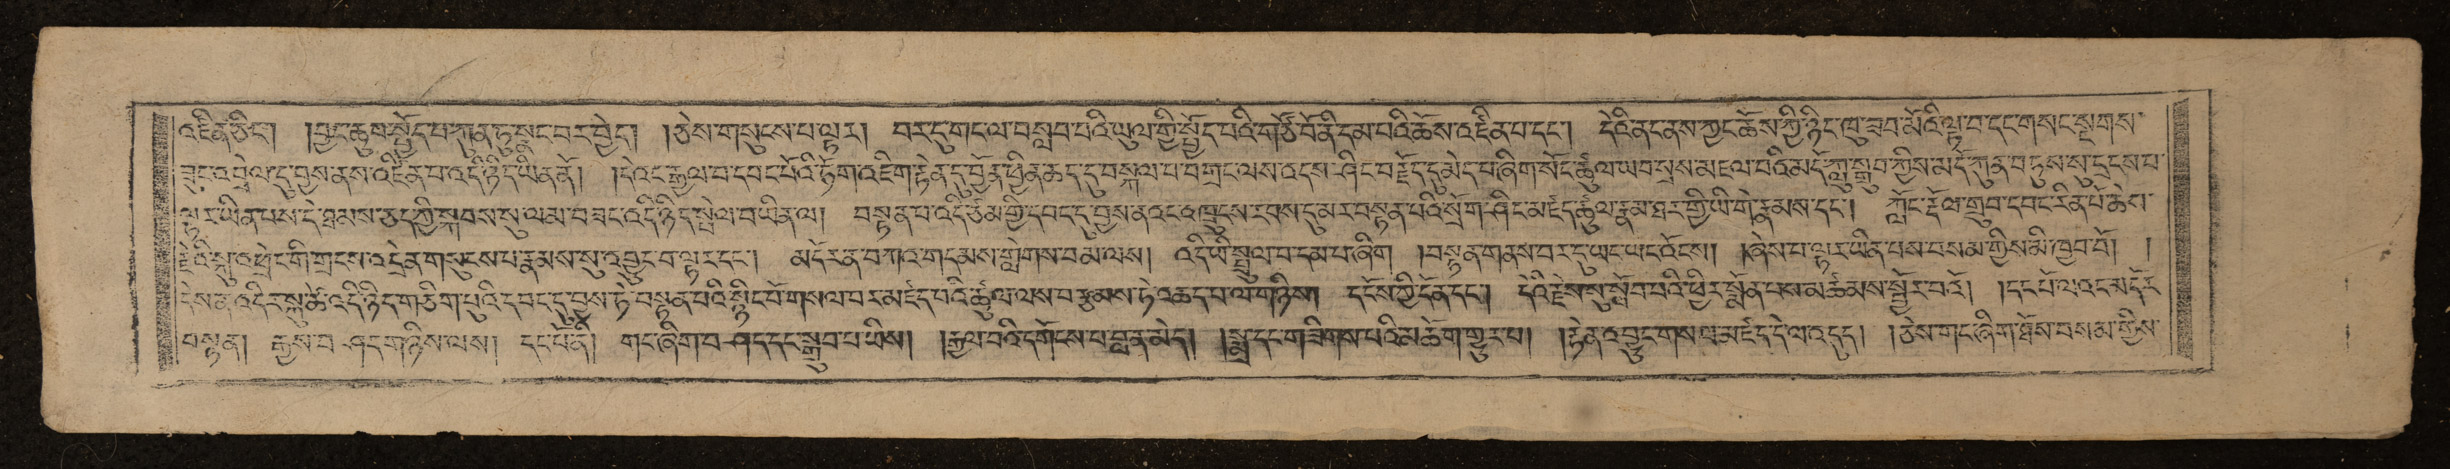འཛིན་ཅིང་། །བྱང་ཆུབ་སྤྱོད་པ་ཀུན་ཏུ་སྣང་བར་བྱེད། །ཅེས་གསུངས་པ་ལྟར། བར་དུ་གང་ལ་བསླབ་པའི་ཡུལ་གྱི་སྤྱོད་པའི་གཙོ་བོ་ནི་དམ་པའི་ཆོས་འཛིན་པ་དང་། དེའི་ནང་ནས་ཀྱང་ཆོས་ཀྱི་ཉིད་ཁུ་ཟབ་མོའི་ལྟ་བ་དང་གསང་སྔགས་
ཟུང་འབྲེལ་དུ་བྱས་ནས་འཛིན་པར་དེ་ཉིད་ཡིན་ནོ། །དེའང་རྒྱལ་བ་དབང་པོའི་ཏོག་འཇིག་རྟེན་དུ་བྱོན་ཕྱིན་ཆེད་དུ་བསྐལ་བ་བགྲང་ལས་འདས་ཤིང་བརྗོད་དུ་མེད་བ་ཞིག་སོང་ཚུལ་ལ་བསྲས་མཇལ་བའི་མདོ་ཀླུ་སྒྲུབ་ཀྱིས་མདོ་ཀུན་བཏུས་སུ་དྲངས་བ་
ལྟར་ཡིན་པས་དེ་ཐམས་ཅད་ཀྱི་སྐབས་སུ་ལམ་བཟང་འདི་ཉིད་སྤེལ་བ་ཡིན་ལ། བསྟན་པ་འདི་ཙམ་གྱི་དབང་དུ་བྱས་ནའང་འཁྲུངས་རབས་དུ་མར་བསྟན་བའི་སྲོག་ཤིང་མཛད་ཚུལ་རྣམ་ཐར་གྱི་ཡི་གེ་རྣམས་དང་། ཀློང་རྡོལ་གྲུབ་དབང་རིན་པོ་ཆེས་
རྗེའི་སྐུ་འཕྲེང་གི་གྲངས་འདྲེན་གསུངས་པ་རྣམས་སུ་འབྱུང་བ་ལྟར་དང་། མདོར་ན་བཀའ་གདམས་གླེགས་བམ་ལས། འདི་ཡི་སྤྲུལ་པ་དམ་པ་ཞིག །བསྟན་གནས་བར་དུ་ཡང་ཡང་འོངས། །ཞེས་པ་ལྟར་ཡིན་པས་བསམ་གྱིས་མི་ཁྱབ་བོ། །
དེས་ན་འདིར་སྐུ་ཚེ་འདི་ཉིད་གཅིག་པུའི་དབང་དུ་བྱས་ཏེ་བསྟན་པའི་སྙིང་པོ་གསལ་བར་མཛད་པའི་ཚུལ་ལས་བརྩམས་ཏེ་འཆད་པ་ལ་གཉིས། དངོས་ཀྱི་དོན་དང་། དེའི་རྗེས་སུ་སློབ་པའི་ཕྱིར་སྨོན་པས་མཚམས་སྦྱོར་བའོ། །དང་པོ་ལའང་མདོར་
བསྟན། རྒྱས་བཤད་གཉིས་ལས། དང་པོ་ནི། གང་ཞིག་བཤད་དང་སྒྲུབ་པ་ཡིས། །རྒྱལ་བའི་དགོངས་བ་བླ་ན་མེད། །སྨྲ་དང་གཟིགས་པའི་མཆོག་གྱུར་པ། །རྟེན་འབྱུང་གསལ་མཛད་དེ་ལ་འདུད། །ཅེས་གང་ཞིག་ཐོས་བསམ་གྱིས་